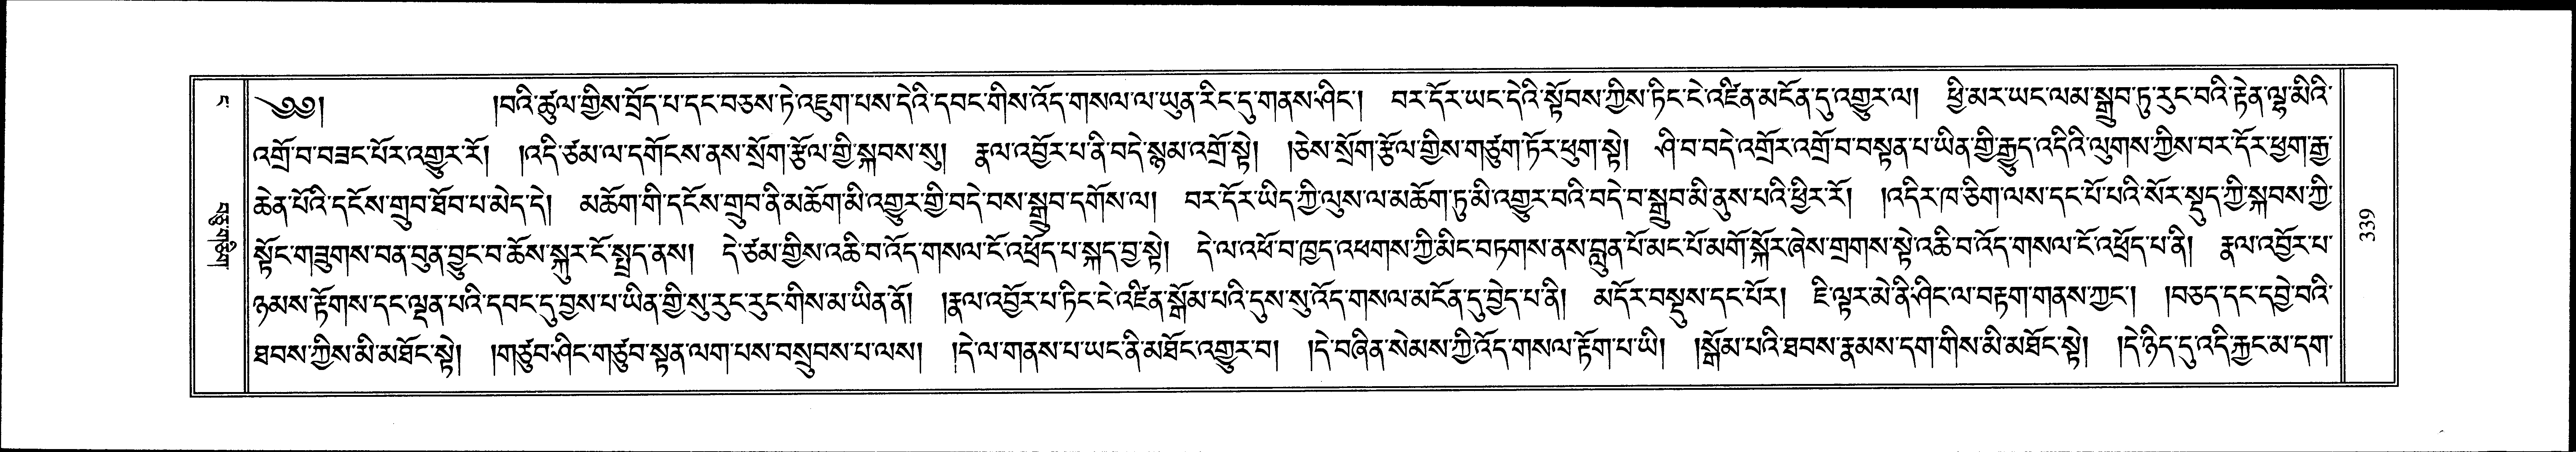༄༅། །བའི་ཚུལ་གྱིས་བྲོད་པ་དང་བཅས་ཏེ་འཇུག་པས་དེའི་དབང་གིས་འོད་གསལ་ལ་ཡུན་རིང་དུ་གནས་ཤིང་། བར་དོར་ཡང་དེའི་སྟོབས་ཀྱིས་ཏིང་ངེ་འཛིན་མངོན་དུ་འགྱུར་ལ། ཕྱི་མར་ཡང་ལམ་སྒྲུབ་ཏུ་རུང་བའི་རྟེན་ལྷ་མིའི་
འགྲོ་བ་བཟང་པོར་འགྱུར་རོ། །འདི་ཙམ་ལ་དགོངས་ནས་སྲོག་རྩོལ་གྱི་སྐབས་སུ། རྣལ་འབྱོར་པ་ནི་བདེ་སྙམ་འགྲོ་སྟེ། །ཅེས་སྲོག་རྩོལ་གྱིས་གཙུག་ཏོར་ཕུག་སྟེ། ཤི་བ་བདེ་འགྲོར་འགྲོ་བ་བསྟན་པ་ཡིན་གྱི་རྒྱུད་འདིའི་ལུགས་ཀྱིས་བར་དོར་ཕྱག་རྒྱ་
ཆེན་པོའི་དངོས་གྲུབ་ཐོབ་པ་མེད་དེ། མཆོག་གི་དངོས་གྲུབ་ནི་མཆོག་མི་འགྱུར་གྱི་བདེ་བས་སྒྲུབ་དགོས་ལ། བར་དོར་ཡིད་ཀྱི་ལུས་ལ་མཆོག་ཏུ་མི་འགྱུར་བའི་བདེ་བ་སྒྲུབ་མི་ནུས་པའི་ཕྱིར་རོ། །འདིར་ཁ་ཅིག་ལས་དང་པོ་པའི་སོར་སྡུད་ཀྱི་སྐབས་ཀྱི་
སྟོང་གཟུགས་བན་བུན་བྱུང་བ་ཆོས་སྐུར་ངོ་སྤྲད་ནས། དེ་ཙམ་གྱིས་འཆི་བ་འོད་གསལ་ངོ་འཕྲོད་པ་སྐད་བྱ་སྟེ། དེ་ལ་འཕོ་བ་ཁྱད་འཕགས་ཀྱི་མིང་བཏགས་ནས་བླུན་པོ་མང་པོ་མགོ་སྐོར་ཞེས་གྲགས་སྟེ་འཆི་བ་འོད་གསལ་ངོ་འཕྲོད་པ་ནི། རྣལ་འབྱོར་པ་
ཉམས་རྟོགས་དང་ལྡན་པའི་དབང་དུ་བྱས་པ་ཡིན་གྱི་སུ་རུང་རུང་གིས་མ་ཡིན་ནོ། །རྣལ་འབྱོར་པ་ཏིང་ངེ་འཛིན་སྒོམ་པའི་དུས་སུ་འོད་གསལ་མངོན་དུ་བྱེད་པ་ནི། མདོར་བསྡུས་དང་པོར། ཇི་ལྟར་མེ་ནི་ཤིང་ལ་བརྟགས་གནས་ཀྱང་། །བཅད་དང་དབྱེ་བའི་
ཐབས་ཀྱིས་མི་མཐོང་སྟེ། །གཙུབ་ཤིང་གཙུབ་སྟན་ལག་པས་བསྲུབས་པ་ལས། །དེ་ལ་གནས་པ་ཡང་ནི་མཐོང་འགྱུར་བ། །དེ་བཞིན་སེམས་ཀྱི་འོད་གསལ་རྟོག་པ་ཡི། །སྒོམ་པའི་ཐབས་རྣམས་དག་གིས་མི་མཐོང་སྟེ། །དེ་ཉིད་དུ་འདི་རྐྱང་མ་དག་